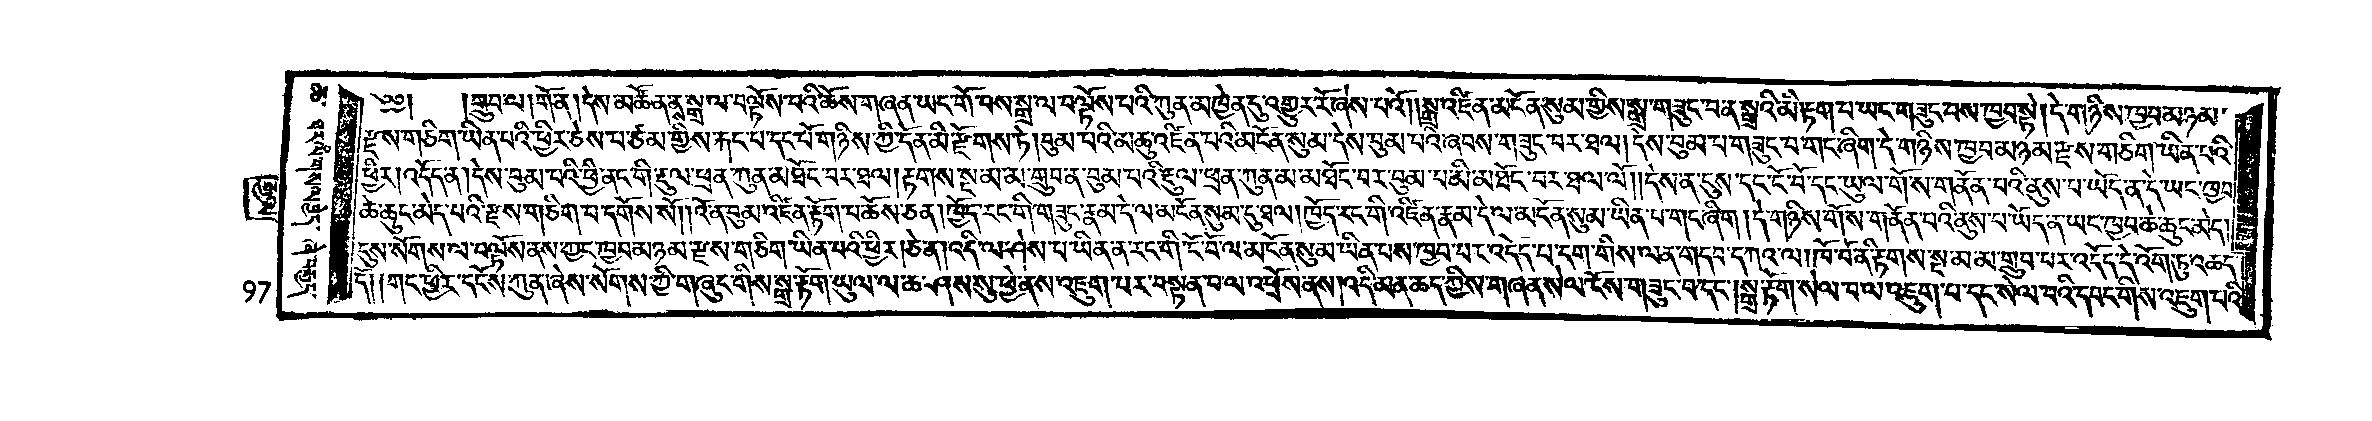༄༅། །གྲུབ་ལ། གོ་ན། དེས་མཚོན་ནས་སྒྲ་ལ་བལྟོས་པའི་ཆོས་གཞན་ཡང་གོ་བས་སྒྲ་ལ་བལྟོས་པའི་ཀུན་མཁྱེན་དུ་འགྱུར་རོ་ཞེས་པའོ། །སྒྲ་འཛིན་མངོན་སུམ་གྱིས་སྒྲ་གཟུང་བ་ན་སྒྲའི་མི་རྟག་པ་ཡང་གཟུང་བས་ཁྱབ་སྟེ། དེ་གཉིས་ཁྱབ་མཉམ་
རྫས་གཅིག་ཡིན་པའི་ཕྱིར་ཅེས་པ་ཙམ་གྱིས་རྐང་པ་དང་པོ་གཉིས་ཀྱི་དོན་མི་རྫོགས་ཏེ། བུམ་པའི་མཆུ་འཛིན་པའི་མངོན་སུམ་དེས་བུམ་པའི་ཞབས་གཟུང་བར་ཐལ། དེས་བུམ་པ་གཟུང་བ་གང་ཞིག་དེ་གཉིས་ཁྱབ་མཉམ་རྫས་གཅིག་ཡིན་པའི་
ཕྱིར། འདོད་ན། དེས་བུམ་པའི་ཕྱི་ནང་གི་རྡུལ་ཕྲན་ཀུན་མཐོང་བར་ཐལ། རྟགས་སྔ་མ་མ་གྲུབ་ན་བུམ་པའི་རྡུལ་ཕྲན་ཀུན་མ་མཐོང་བར་བུམ་པ་མི་མཐོང་བར་ཐལ་ལོ། །དེས་ན་དུས་དང་ངོ་བོ་དང་ཡུལ་གོ་ས་གནོན་པའི་ནུས་པ་ཡོད་ན་དེ་ཡང་ཁྱབ་
ཆེ་ཆུང་མེད་པའི་རྫས་གཅིག་པ་དགོས་སོ། །འོ་ན་བུམ་འཛིན་རྟོག་པ་ཆོས་ཅན། ཁྱོད་རང་གི་གཟུང་རྣམ་དེ་ལ་མངོན་སུམ་དུ་ཐལ། ཁྱོད་རང་གི་འཛིན་རྣམ་དེ་ལ་མངོན་སུམ་ཡིན་པ་གང་ཞིག །དེ་གཉིས་གོས་གནོན་པའི་ནུས་པ་ཡོད་ན་ཡང་ཁྱབ་ཆེ་ཆུང་མེད།
དུས་སོགས་ལ་བལྟོས་ནས་ཀྱང་ཁྱབ་མཉམ་རྫས་གཅིག་ཡིན་པའི་ཕྱིར། ཅེ་ན། འདི་ལ་ཤེས་པ་ཡིན་ན་རང་གི་ངོ་བོ་ལ་མངོན་སུམ་ཡིན་པས་ཁྱབ་པར་འདོད་པ་དག་གིས་ལན་གདབ་དཀའ་ལ། ཁོ་བོ་ནི་རྟགས་སྔ་མ་མ་གྲུབ་པར་འདོད་དེ་འོག་ཏུ་འཆད་
དོ། །གང་ཕྱིར་དངོས་ཀུན་ཞེས་སོགས་ཀྱི་གཞུང་གིས་སྒྲ་རྟོག་ཡུལ་ལ་ཆ་ཤས་སུ་ཕྱེ་ནས་འཇུག་པར་བསྟན་པ་ལ་འཕྲོས་ནས། འདི་མན་ཆད་ཀྱིས་གཞན་སེལ་ངོས་གཟུང་བ་དང་། སྒྲ་རྟོག་སེལ་བ་ལ་འཇུག་པ་དང་སེལ་བའི་དབང་གིས་འཇུག་པའི་